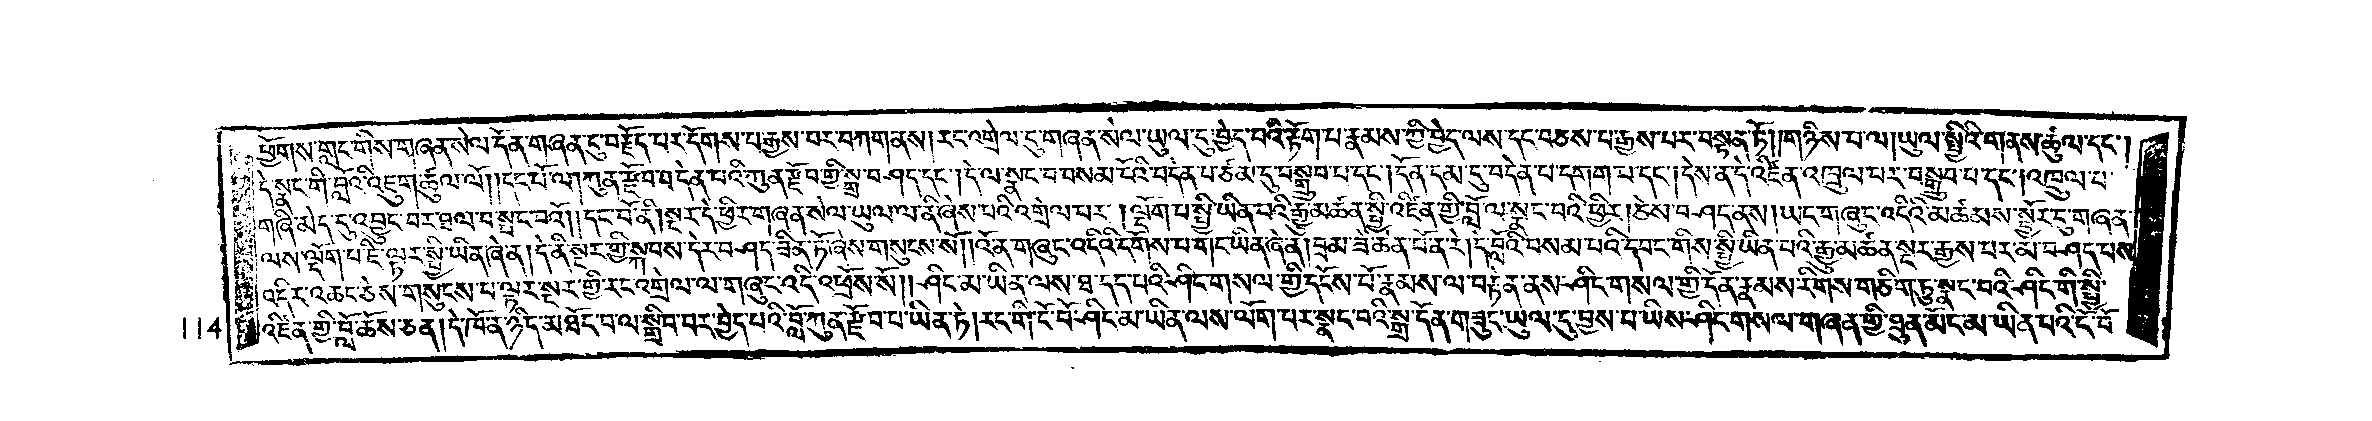ཕྱོགས་གླང་གིས་གཞན་སེལ་དོན་གཞན་དུ་བརྗོད་པར་དོགས་པ་རྒྱས་པར་བཀག་ནས། རང་འགྲེལ་དུ་གཞན་སེལ་ཡུལ་དུ་བྱེད་པའི་རྟོག་པ་རྣམས་ཀྱི་བྱེད་ལས་དང་བཅས་པ་རྒྱས་པར་བསྟན་ཏོ། །གཉིས་པ་ལ། ཡུལ་སྤྱིའི་གནས་ཚུལ་དང་།
དེ་སྣང་གི་བློའི་འཇུག་ཚུལ་ལོ། །དང་པོ་ལ། ཀུན་རྫོབ་བདེན་པའི་ཀུན་རྫོབ་གྱི་སྒྲ་བཤད་དང་། དེ་ལ་སྣང་བ་བསམ་ངོའི་བདེན་པ་ཙམ་དུ་བསྒྲུབ་པ་དང་། དོན་དམ་དུ་བདེན་པ་དགག་པ་དང་། དེས་ན་དེ་འཛིན་འཁྲུལ་པར་བསྒྲུབ་པ་དང་། འཁྲུལ་པ་
གཞི་མེད་དུ་འབྱུང་བར་ཐལ་བ་སྤང་པའོ། །དང་པོ་ནི། སྔར་དེ་ཕྱིར་གཞན་སེལ་ཡུལ་ལ་ནི་ཞེས་པའི་འགྲེལ་པར་།ལྡོག་པ་སྤྱི་ཡིན་པའི་རྒྱུ་མཚན་སྤྱི་འཛིན་གྱི་བློ་ལ་སྣང་བའི་ཕྱིར། ཅེས་བཤད་ནས། ཡང་གཞུང་འདིའི་མཚམས་སྦྱོར་དུ་གཞན་
ལས་ལྡོག་པ་ཇི་ལྟར་སྤྱི་ཡིན་ཞེ་ན། དེ་ནི་སྔར་གྱི་སྐབས་དེར་བཤད་ཟིན་ཏོ་ཞེས་གསུངས་སོ། །འོ་ན་གཞུང་འདིའི་དགོས་པ་གང་ཡིན་ཞེ་ན། བྲམ་ཟེ་ཆེན་པོ་ན་རེ། དེ་བློའི་བསམ་པའི་དབང་གིས་སྤྱི་ཡིན་པའི་རྒྱུ་མཚན་སྔར་རྒྱས་པར་མ་བཤད་པས་
འདིར་འཆང་ཅེས་གསུངས་པ་ལྟར་སྔར་གྱི་རང་འགྲེལ་ལ་གཞུང་འདི་འཕྲོས་སོ། །ཤིང་མ་ཡིན་ལས་ཐ་དད་པའི་ཤིང་གསལ་གྱི་དངོས་པོ་རྣམས་ལ་བརྟེན་ནས་ཤིང་གསལ་གྱི་དོན་རྣམས་རིགས་གཅིག་ཏུ་སྣང་བའི་ཤིང་གི་སྤྱི་
འཛིན་གྱི་བློ་ཆོས་ཅན། དེ་ཁོ་ན་ཉིད་མཐོང་བ་ལ་སྒྲིབ་པར་བྱེད་པའི་བློ་ཀུན་རྫོབ་པ་ཡིན་ཏེ། རང་གི་ངོ་བོ་ཤིང་མ་ཡིན་ལས་ལོག་པར་སྣང་བའི་སྒྲ་དོན་གཟུང་ཡུལ་དུ་བྱས་པ་ཡིས་ཤིང་གསལ་གཞན་གྱི་ཐུན་མོང་མ་ཡིན་པའི་ངོ་བོ་